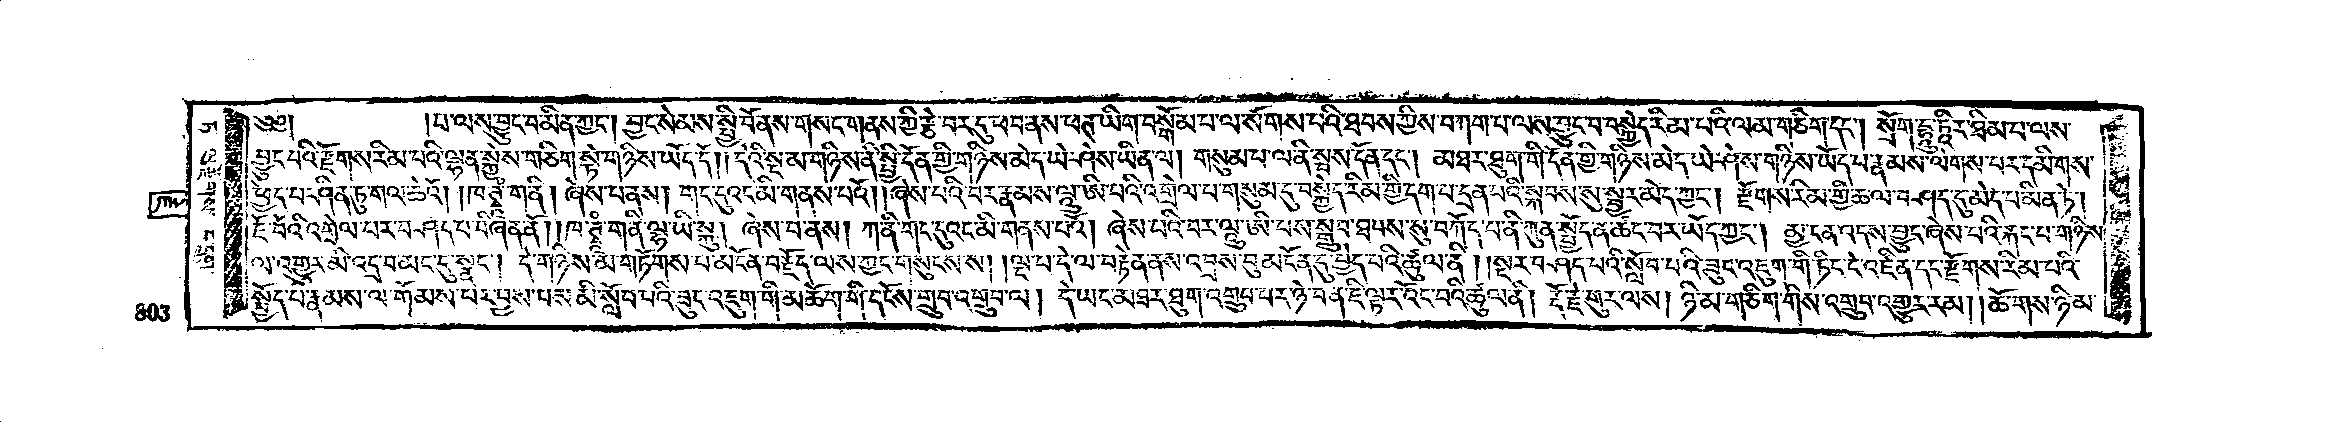༄༅། །པ་ལས་བྱུང་བ་མིན་ཀྱང་། བྱང་སེམས་སྤྱི་བོ་ནས་གསང་གནས་ཀྱི་རྩེ་བར་དུ་ཕབ་ནས་ཕཊ་ཡིག་བསྒོམ་པ་ལ་སོགས་པའི་ཐབས་ཀྱིས་བཀག་པ་ལས་བྱུང་བ་བསྐྱེད་རིམ་པའི་ལམ་གཅིག་དང་། སྲོག་དྷཱུ་ཏཱིར་ཐིམ་པ་ལས་
བྱུང་བའི་རྫོགས་རིམ་པའི་ལྷན་སྐྱེས་གཅིག་སྟེ་གཉིས་ཡོད་དོ། །དེའི་སྔ་མ་གཉིས་ནི་སྤྱི་དོན་གྱི་གཉིས་མེད་ཡེ་ཤེས་ཡིན་ལ། གསུམ་པ་ལ་ནི་སྦས་དོན་དང་། མཐར་ཐུག་གི་དོན་གྱི་གཉིས་མེད་ཡེ་ཤེས་གཉིས་ཡོད་པ་རྣམས་ལེགས་པར་དམིགས་
ཕྱེད་པ་ཤིན་ཏུ་གལ་ཆེའོ། །ཁ་ཊྭཱཾ་ག་ནི། ཞེས་པ་ནས། གང་དུའང་མི་གནས་པའོ། །ཞེས་པའི་བར་རྣམས་ལཱུ་ཨི་པའི་འགྲེལ་པ་གསུམ་དུ་བསྐྱེད་རིམ་གྱི་དག་པ་དྲན་པའི་སྐབས་སུ་སྦྱར་མོད་ཀྱང་། རྫོགས་རིམ་གྱི་ཆ་ལ་བཤད་དུ་མེད་པ་མིན་ཏེ།
ཇོ་བོའི་འགྲེལ་པར་བཤད་པ་བཞིན་ནོ། །ཁ་ཊྭཱཾ་ག་ནི་ལྷ་ཡི་སྐུ། ཞེས་བ་ནས། ཀ་ནི་གང་དུའང་མི་གནས་པའོ། ཞེས་པའི་བར་ལཱུ་ཨི་པས་སྒྲུབ་ཐབས་སུ་བཀོད་པ་ནི་ཀུན་སྤྱོད་ན་ཚང་བར་ཡོད་ཀྱང་། མྱ་ངན་འདས་བྱུང་ཞེས་པའི་རྐང་པ་གཉིས་
ལ་འགྱུར་མི་འདྲ་བ་མང་དུ་སྣང་། དེ་གཉིས་མ་གཏོགས་པ་མངོན་བརྗོད་ལས་ཀྱང་གསུངས་སོ། །ལྔ་པ་དེ་ལ་བརྟེན་ནས་འབྲས་བུ་མངོན་དུ་བྱེད་པའི་ཚུལ་ནི། །སྔར་བཤད་པའི་སློབ་པའི་ཟུང་འཇུག་གི་ཏིང་ངེ་འཛིན་དང་རྫོགས་རིམ་པའི་
སྤྱོད་པ་རྣམས་ལ་གོམས་པར་བྱས་པས་མི་སློབ་པའི་ཟུང་འཇུག་གི་མཆོག་གི་དངོས་གྲུབ་འགྲུབ་ལ། དེ་ཡང་མཐར་ཐུག་འགྲུབ་པར་ཉེ་བ་ན་ཇི་ལྟར་འོང་བའི་ཚུལ་ནི། རྡོ་རྗེ་གུར་ལས། ཉི་མ་གཅིག་གིས་འགྲུབ་འགྱུར་རམ། །ཆོ་གས་ཉི་མ་